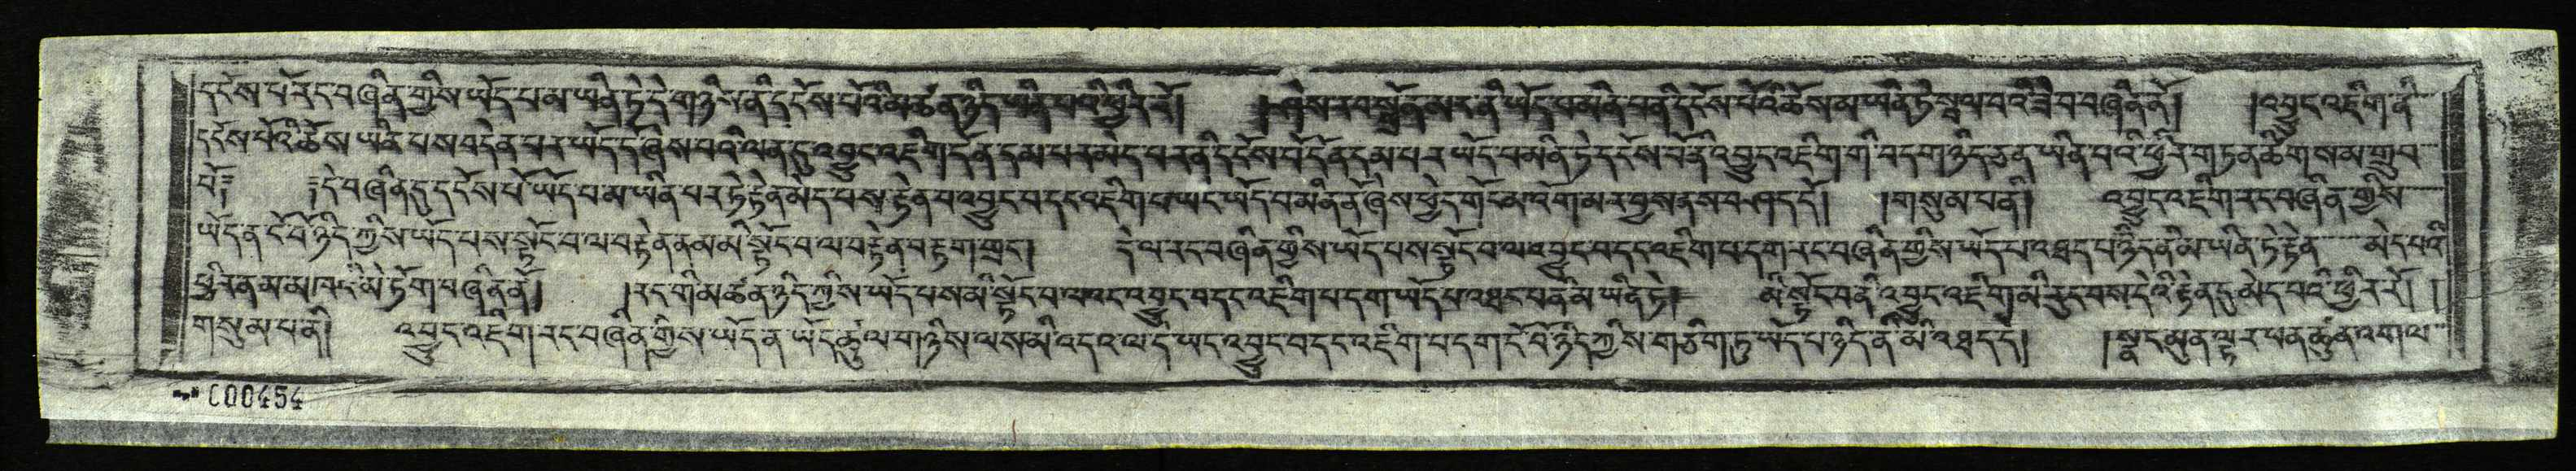དངོས་པོ་རང་བཞིན་གྱིས་ཡོད་པ་མ་ཡིན་ཏེ་དེ་གཉིས་ནི་དངོས་པོའི་མཚན་ཉིད་ཡིན་པའི་ཕྱིར་རོ། །ཤེས་རབ་སྒྲོན་མར་ནི་ཡོད་པ་མིན་པ་ནི་དངོས་པོའི་ཆོས་མ་ཡིན་ཏེ་སྦལ་བའི་ཟེ་བ་བཞིན་ནོ། །འབྱུང་འཇིག་ནི་
དངོས་པོའི་ཆོས་ཡིན་པས་བདེན་པར་ཡོད་དོ་ཞེས་པའི་ལན་དུ་འབྱུང་འཇིག་དོན་དམ་པར་མེད་པར་ནི་དངོས་པོ་དོན་དམ་པར་ཡོད་པ་མིན་ཏེ་དངོས་པོ་ནི་འབྱུང་འཇིག་གི་བདག་ཉིད་ཅན་ཡིན་པའི་ཕྱིར་གཏན་ཚིགས་མ་གྲུབ་
པོ༑ ༑དེ་བཞིན་དུ་དངོས་པོ་ཡོད་པ་མ་ཡིན་པར་ཏེ་རྟེན་མེད་པ་རྟེན་པ་འབྱུང་བ་དང་འཇིག་པ་ཡང་ཡོད་པ་མིན་ནོ་ཞེས་ཕྱེད་གོང་མ་འོག་མར་བྱས་ནས་བཤད་དོ། །གསུམ་པ་ནི། འབྱུང་འཇིག་རང་བཞིན་གྱིས་
ཡོད་ན་ངོ་བོ་ཉིད་ཀྱིས་ཡོད་པས་སྟོང་བ་ལ་བརྟེན་ནམ་མི་སྟོང་བ་ལ་བརྟེན་བརྟག་གྲང་། དེ་ལ་རང་བཞིན་གྱིས་ཡོད་པ་སྟོང་བ་ལ་འབྱུང་བ་དང་འཇིག་པ་དག་རང་བཞིན་གྱིས་ཡོད་པ་འཐད་པ་ཉིད་ནི་མ་ཡིན་ཏེ་རྟེན་མེད་པའི་
ཕྱིར་ནམ་མཁའི་མེ་ཏོག་བཞིན་ནོ། །རང་གི་མཚན་ཉིད་ཀྱིས་ཡོད་པས་མི་སྟོང་པ་ལའང་འབྱུང་བ་དང་འཇིག་པ་དག་ཡོད་པ་འཐར་བ་ནི་མ་ཡིན་ཏེ། མི་སྟོང་པ་ནི་འབྱུང་འཇིག་མི་རུང་བས་དེའི་རྟེན་དུ་མེད་པའི་ཕྱིར་རོ། །
གསུམ་པ་ནི། འབྱུང་འཇིག་རང་བཞིན་གྱིས་ཡོད་ན་ཡོད་ཚུལ་གཉིས་ལས་མི་འདའ་ལ་དེ་ཡང་འབྱུང་བ་དང་འཇིག་པ་དག་ངོ་བོ་ཉིད་ཀྱིས་གཅིག་ཏུ་ཡོད་པ་ཉིད་ནི་མི་འཐད་དེ། །སྣང་མུན་ལྟར་ཕན་ཚུན་འགལ་